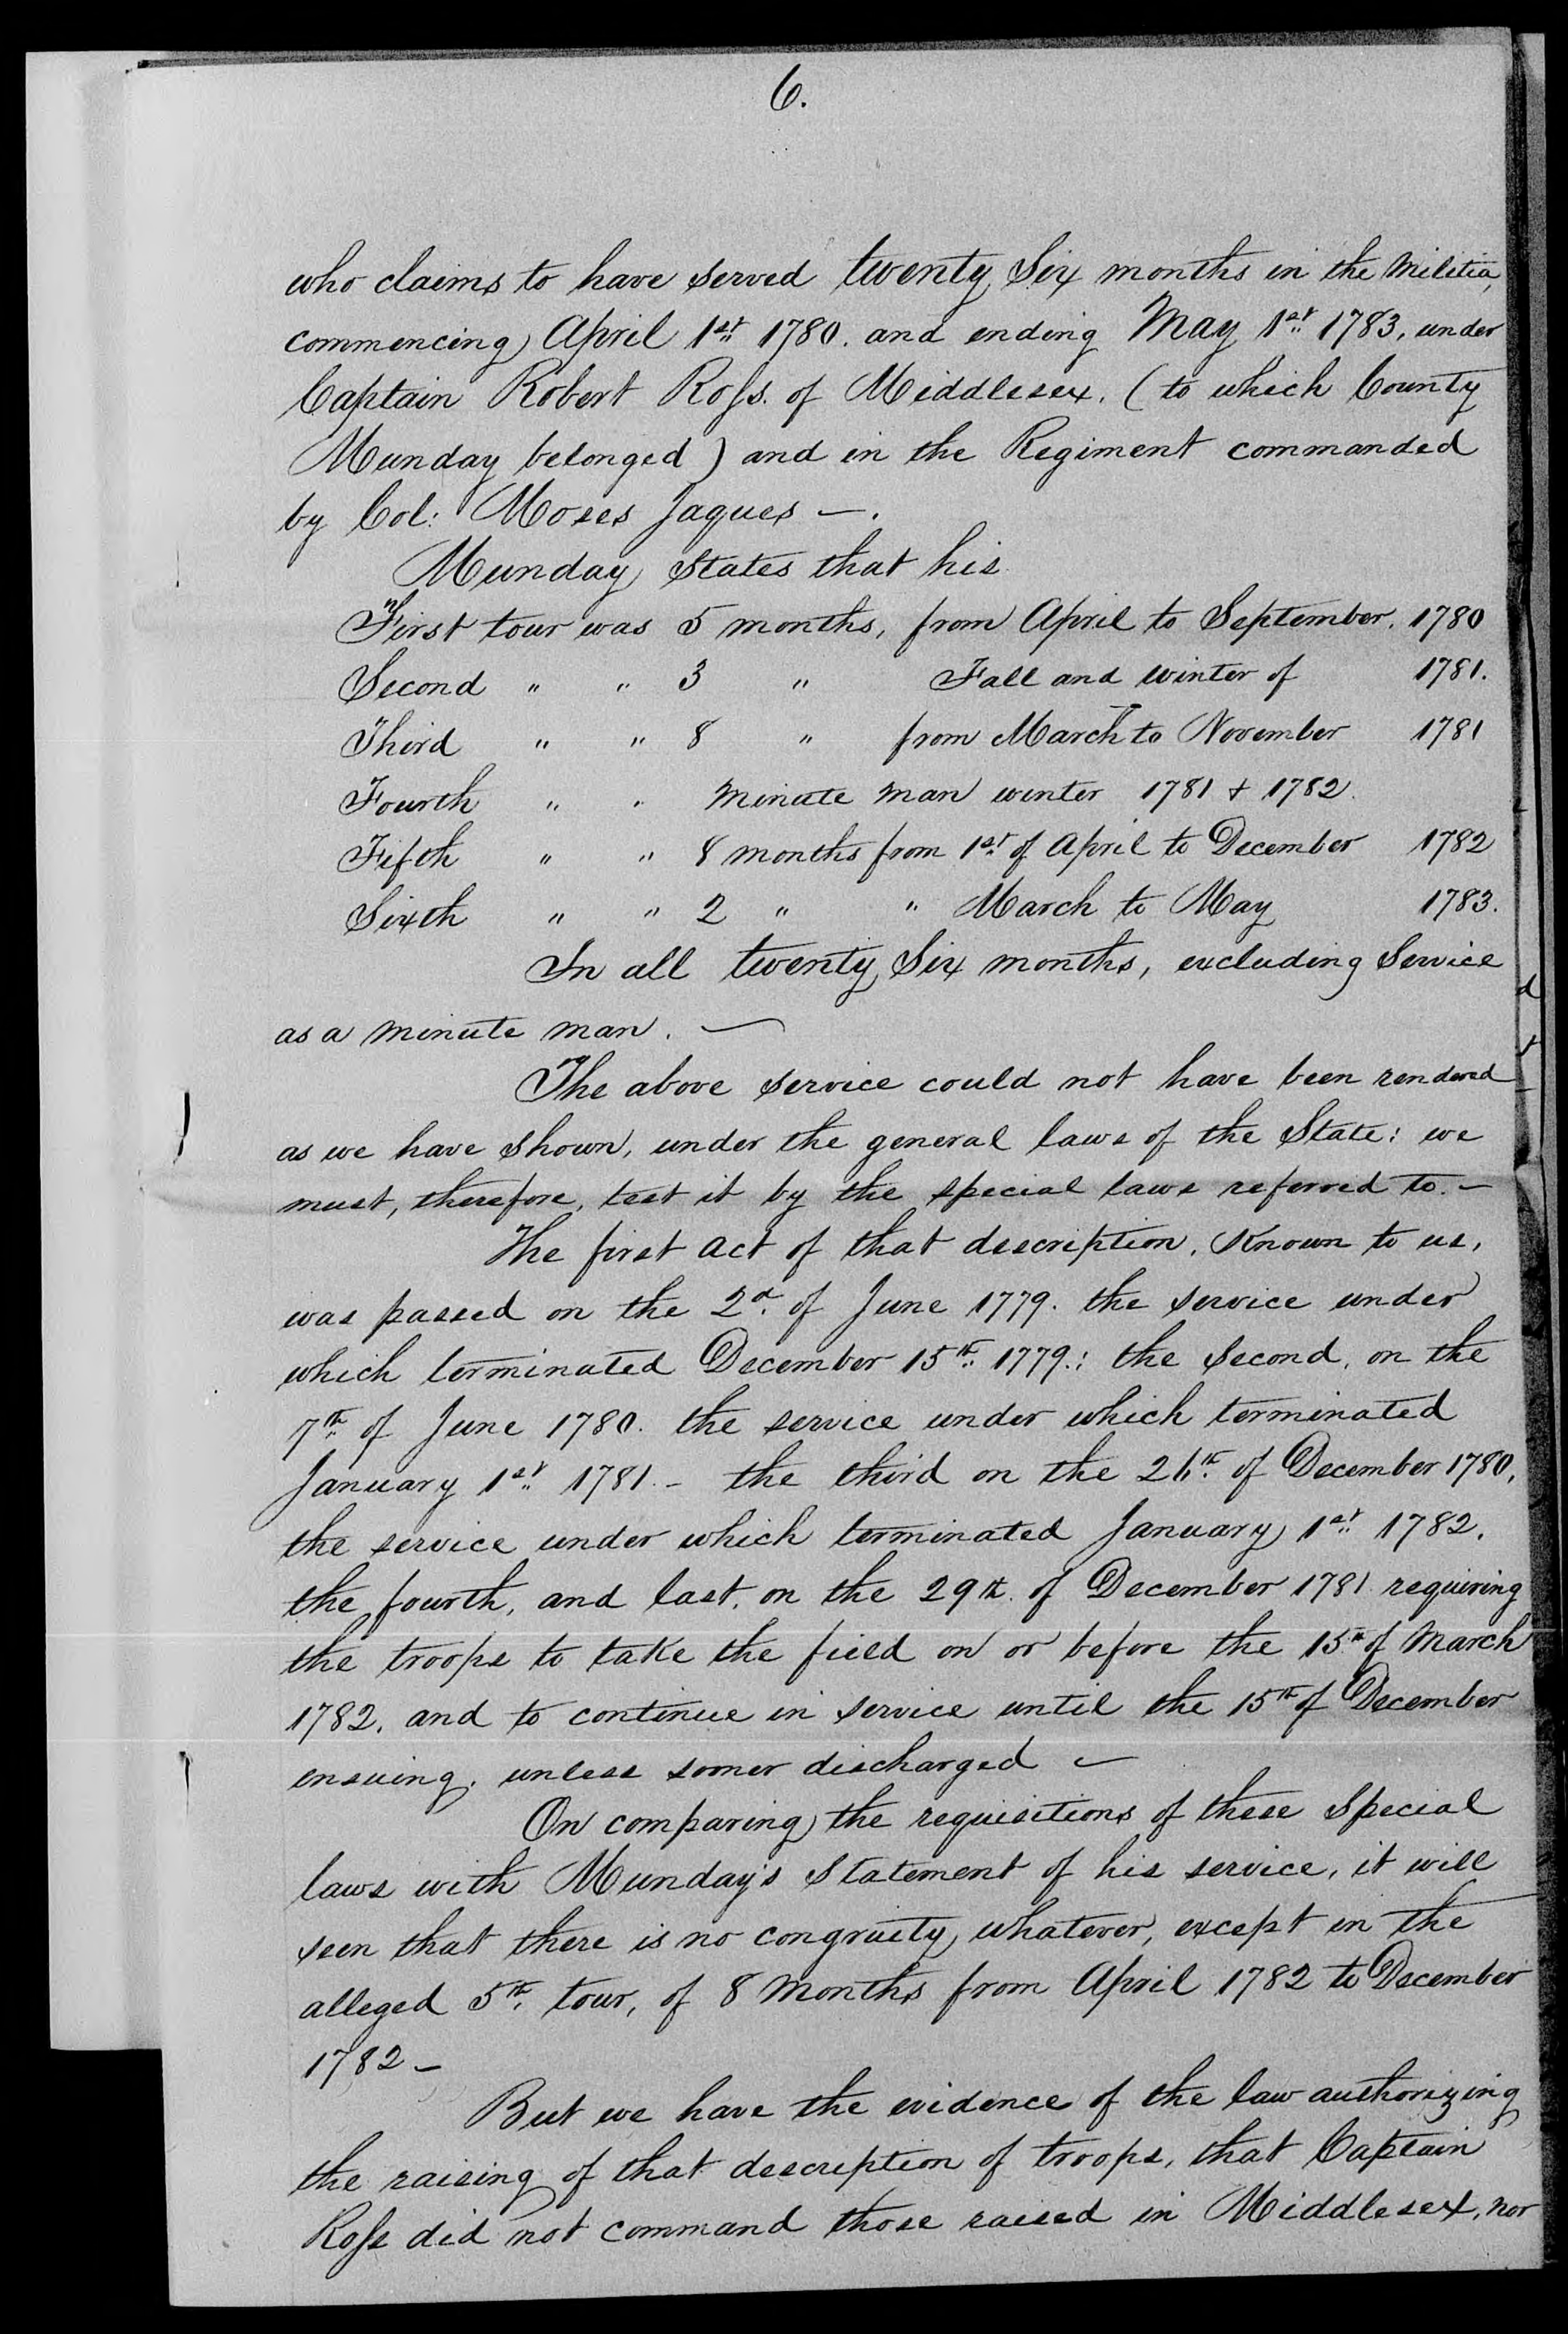...6
who claims to have served twenty six months in the militia, commencing April 1st 1780 and ending May 1st 1783, under Captain Robert Ross of Middlesex, (to which County Munday belonged) and in the regiment commanded by Col. Moses Jaques.

Munday states that his first tour was 5 months from April to September 1780.
Second (tour was) 3 (months in the) fall and winter of 1781.
Third (tour was) 8 (months) from March to November.
Fourth (tour was) Minuteman winter 1781 & 1782.
Fifth (tour was) 8 (months) from 1st of April to December 1782.
Sixth (tour was) 2 (months from) March to May 1783.

In all twenty six months, excluding service as a Minuteman.

The above service could not have been rendered, as we have shown, under the general laws of the State; we must therefore test it by the special laws referred to.

The first act of that description known to us, was passed on the 2nd of June 1779. The service under which terminated December 15th 1779. The second (act) on the 7th of June 1780, the service under which terminated January 1st 1781. The third (act) on the 26th of December 1780, the service under which terminated January 1st 1782. The fourth (act) and last (act) on the 29th of December 1781 requiring the troops to take the field on or before the 15th of March 1782 and to continue in service until the 15th of December ensuing, unless sooner discharged.

On comparing the requisitions of these special laws with Munday's statement of his service, it will (be) seen that there is no congruity whatever, except in the alleged 5th tour of 8 months from April 1782 to December 1782.

But we have the evidence of the law authorizing the raising of that description of troops, that Captain Ross did not command those raised in Middlesex, nor...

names: Robert Ross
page: 33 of 95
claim: survivor's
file: S 2889, for Levi Mundy, New Jersey